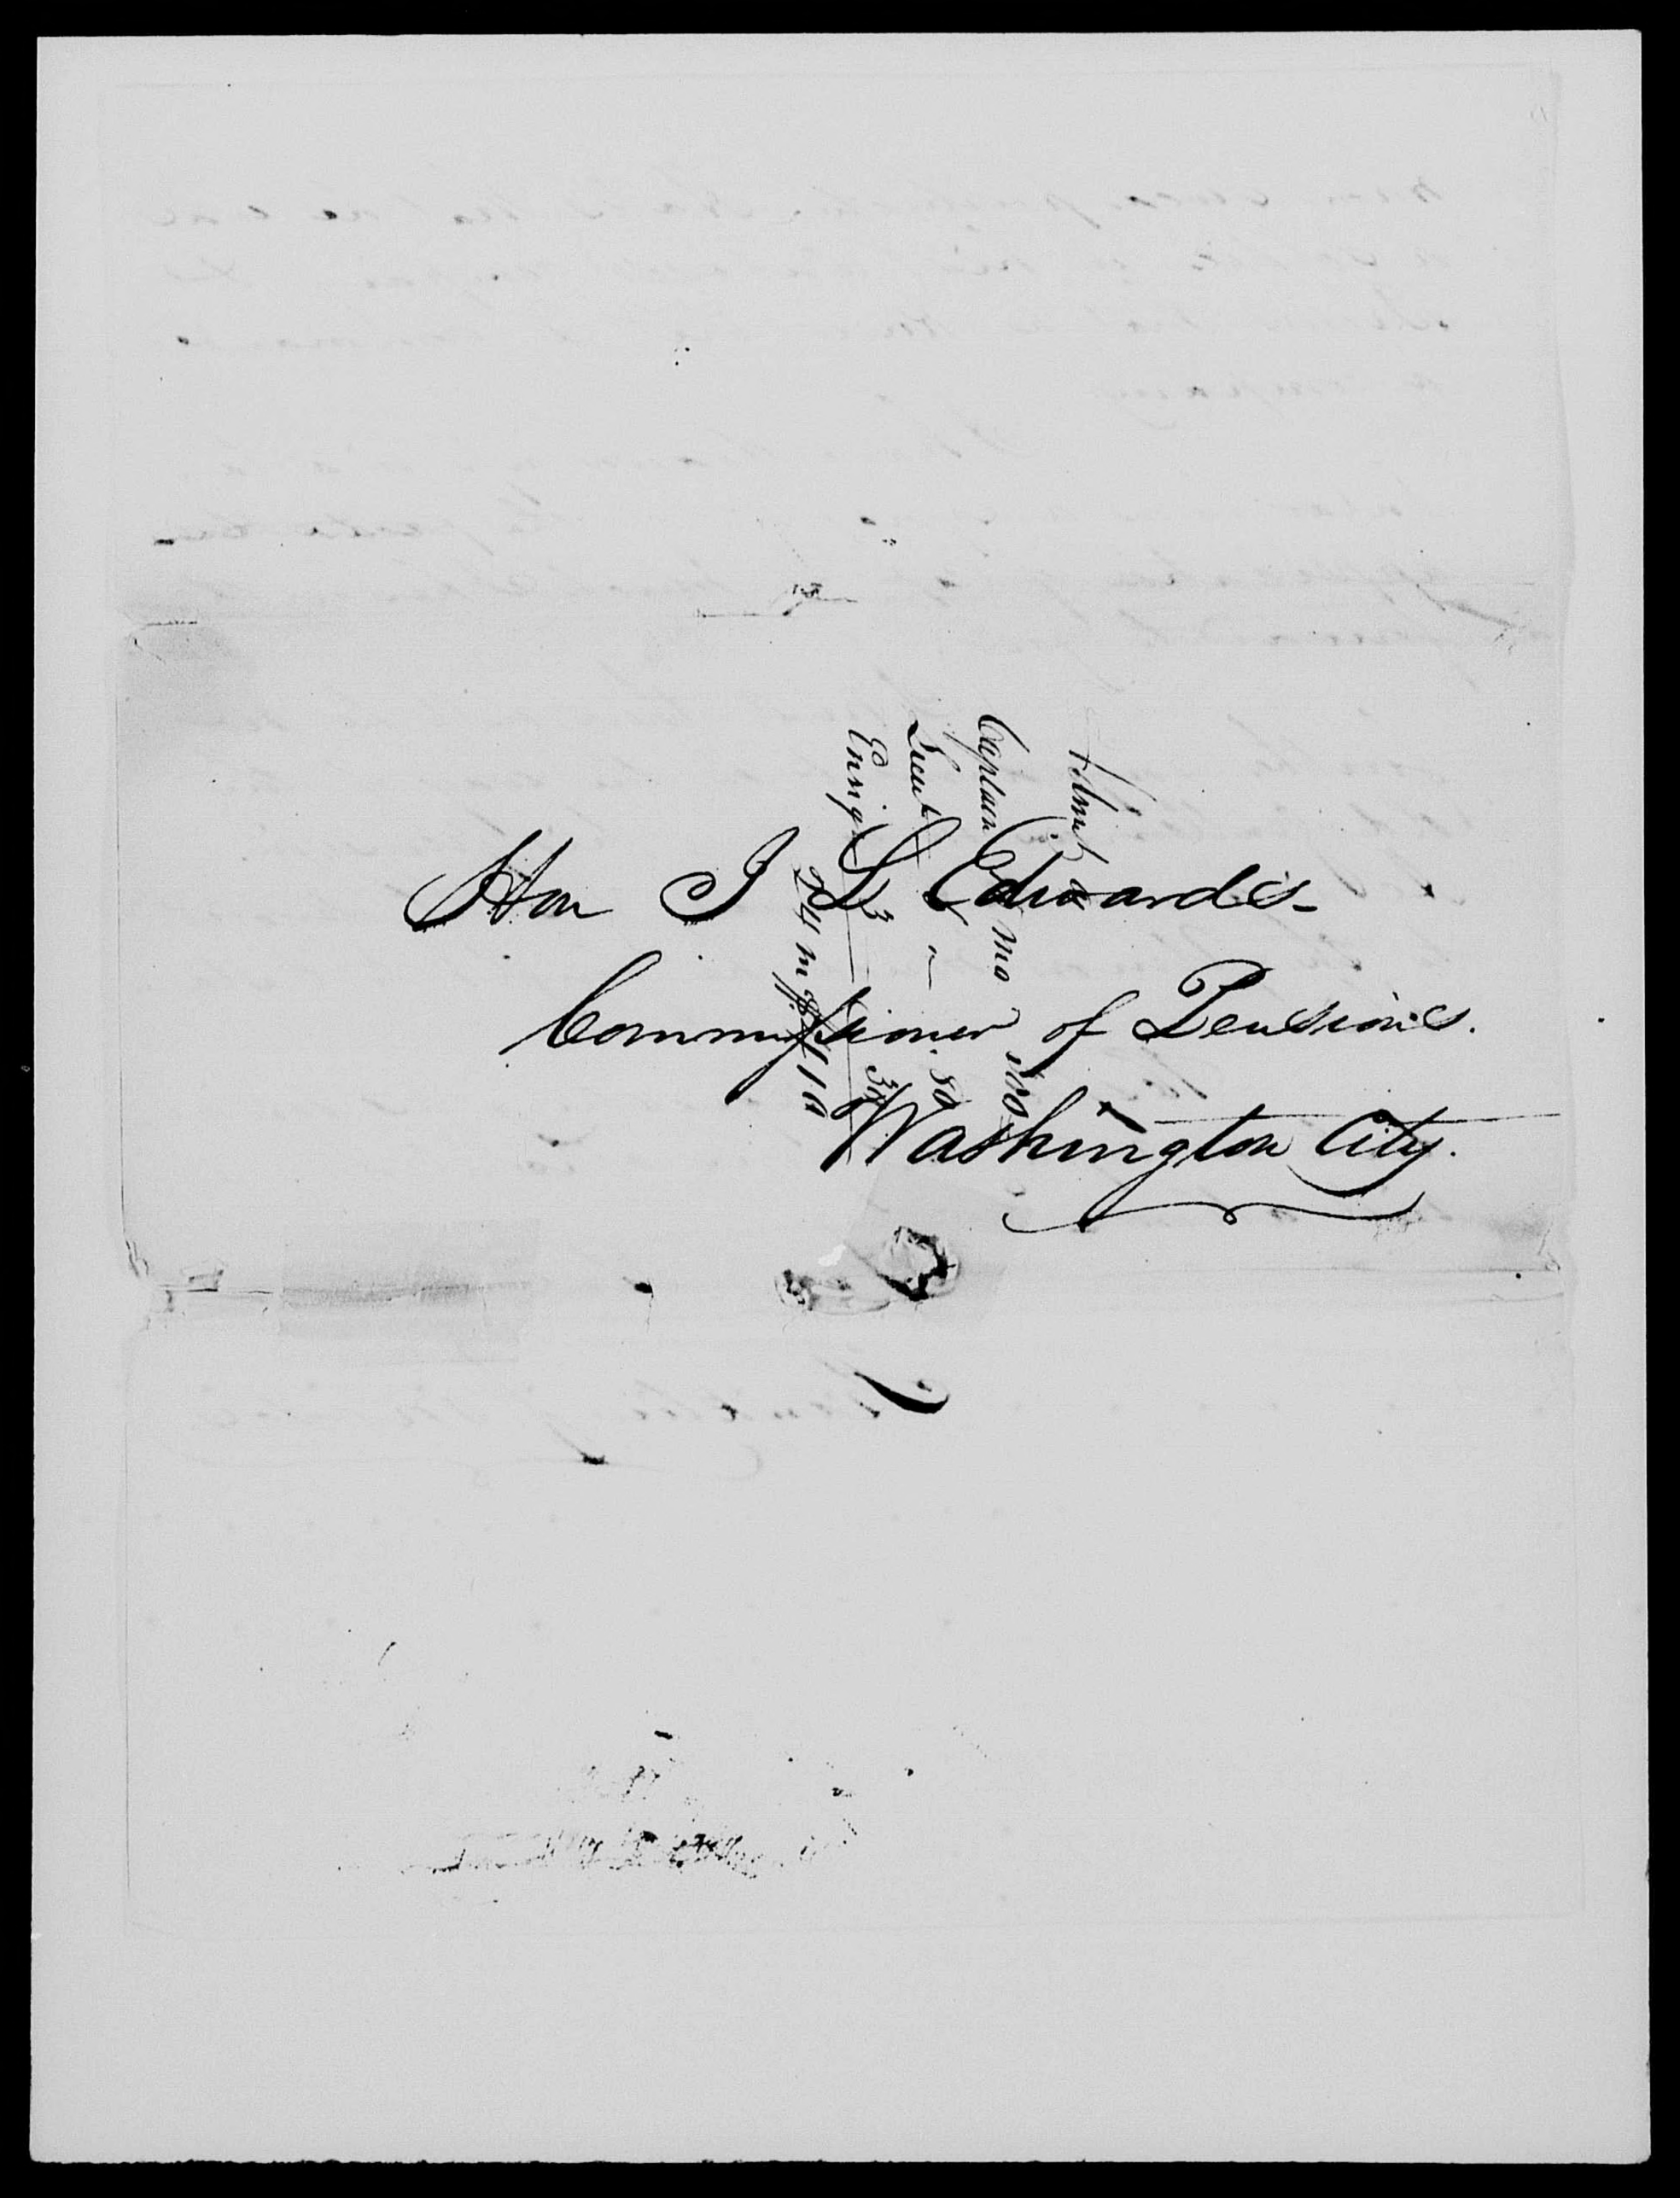Hon J L Edwards Commissioner of Pensions Washington  City  ( vertical notes ) ( Admit  Captain  __ mo  $ 300,  Lieut   __ Mo $ 80 , Ensign __ $ 31 ( total 24 mos  $ 411 )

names: J L Edwards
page: 25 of 43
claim: survivor's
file: S. 21163, Peter Dubose, S.C.